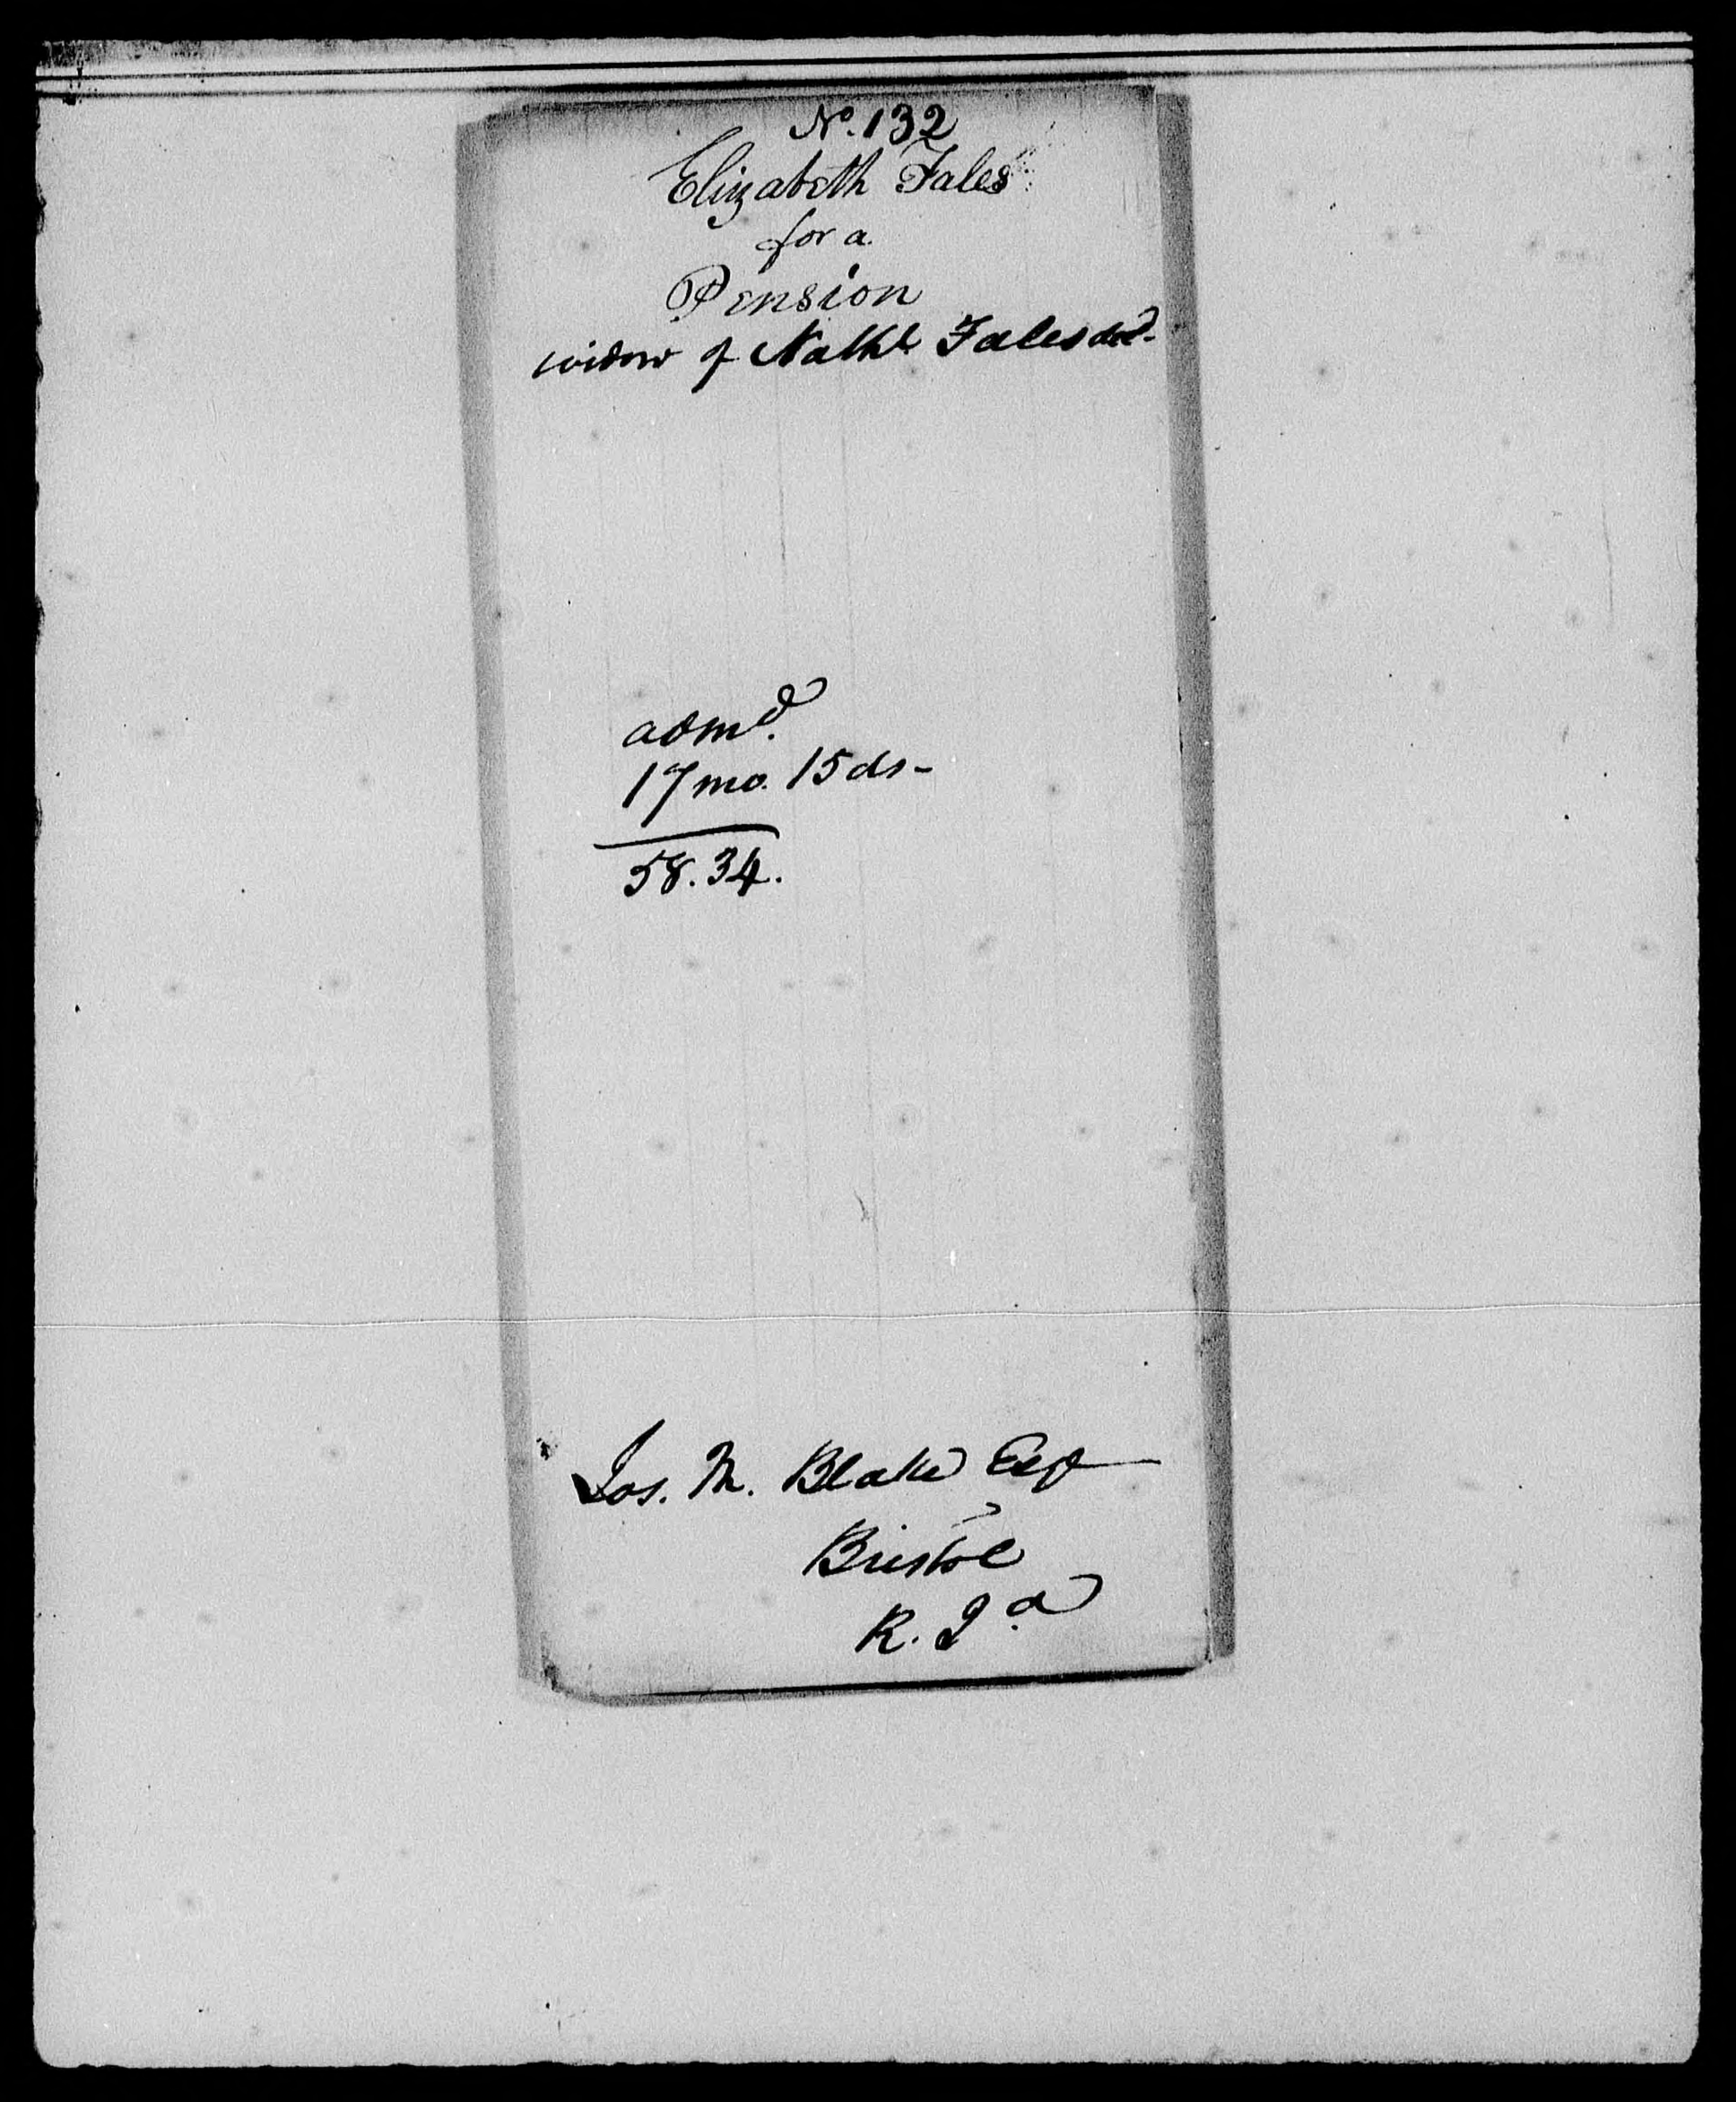No. 132
Elizabeth Fales for a pension widow of Nath.l Fales dc'd


adm.d
17 mo 15ds
58.34



Jos M. Blake Esq
Bristol
R.I. a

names: Elizabeth Fales, Jos M Blake, Nathl Fales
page: 13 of 32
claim: widow's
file: W. 24,173, Nathaniel Fales, R.I.